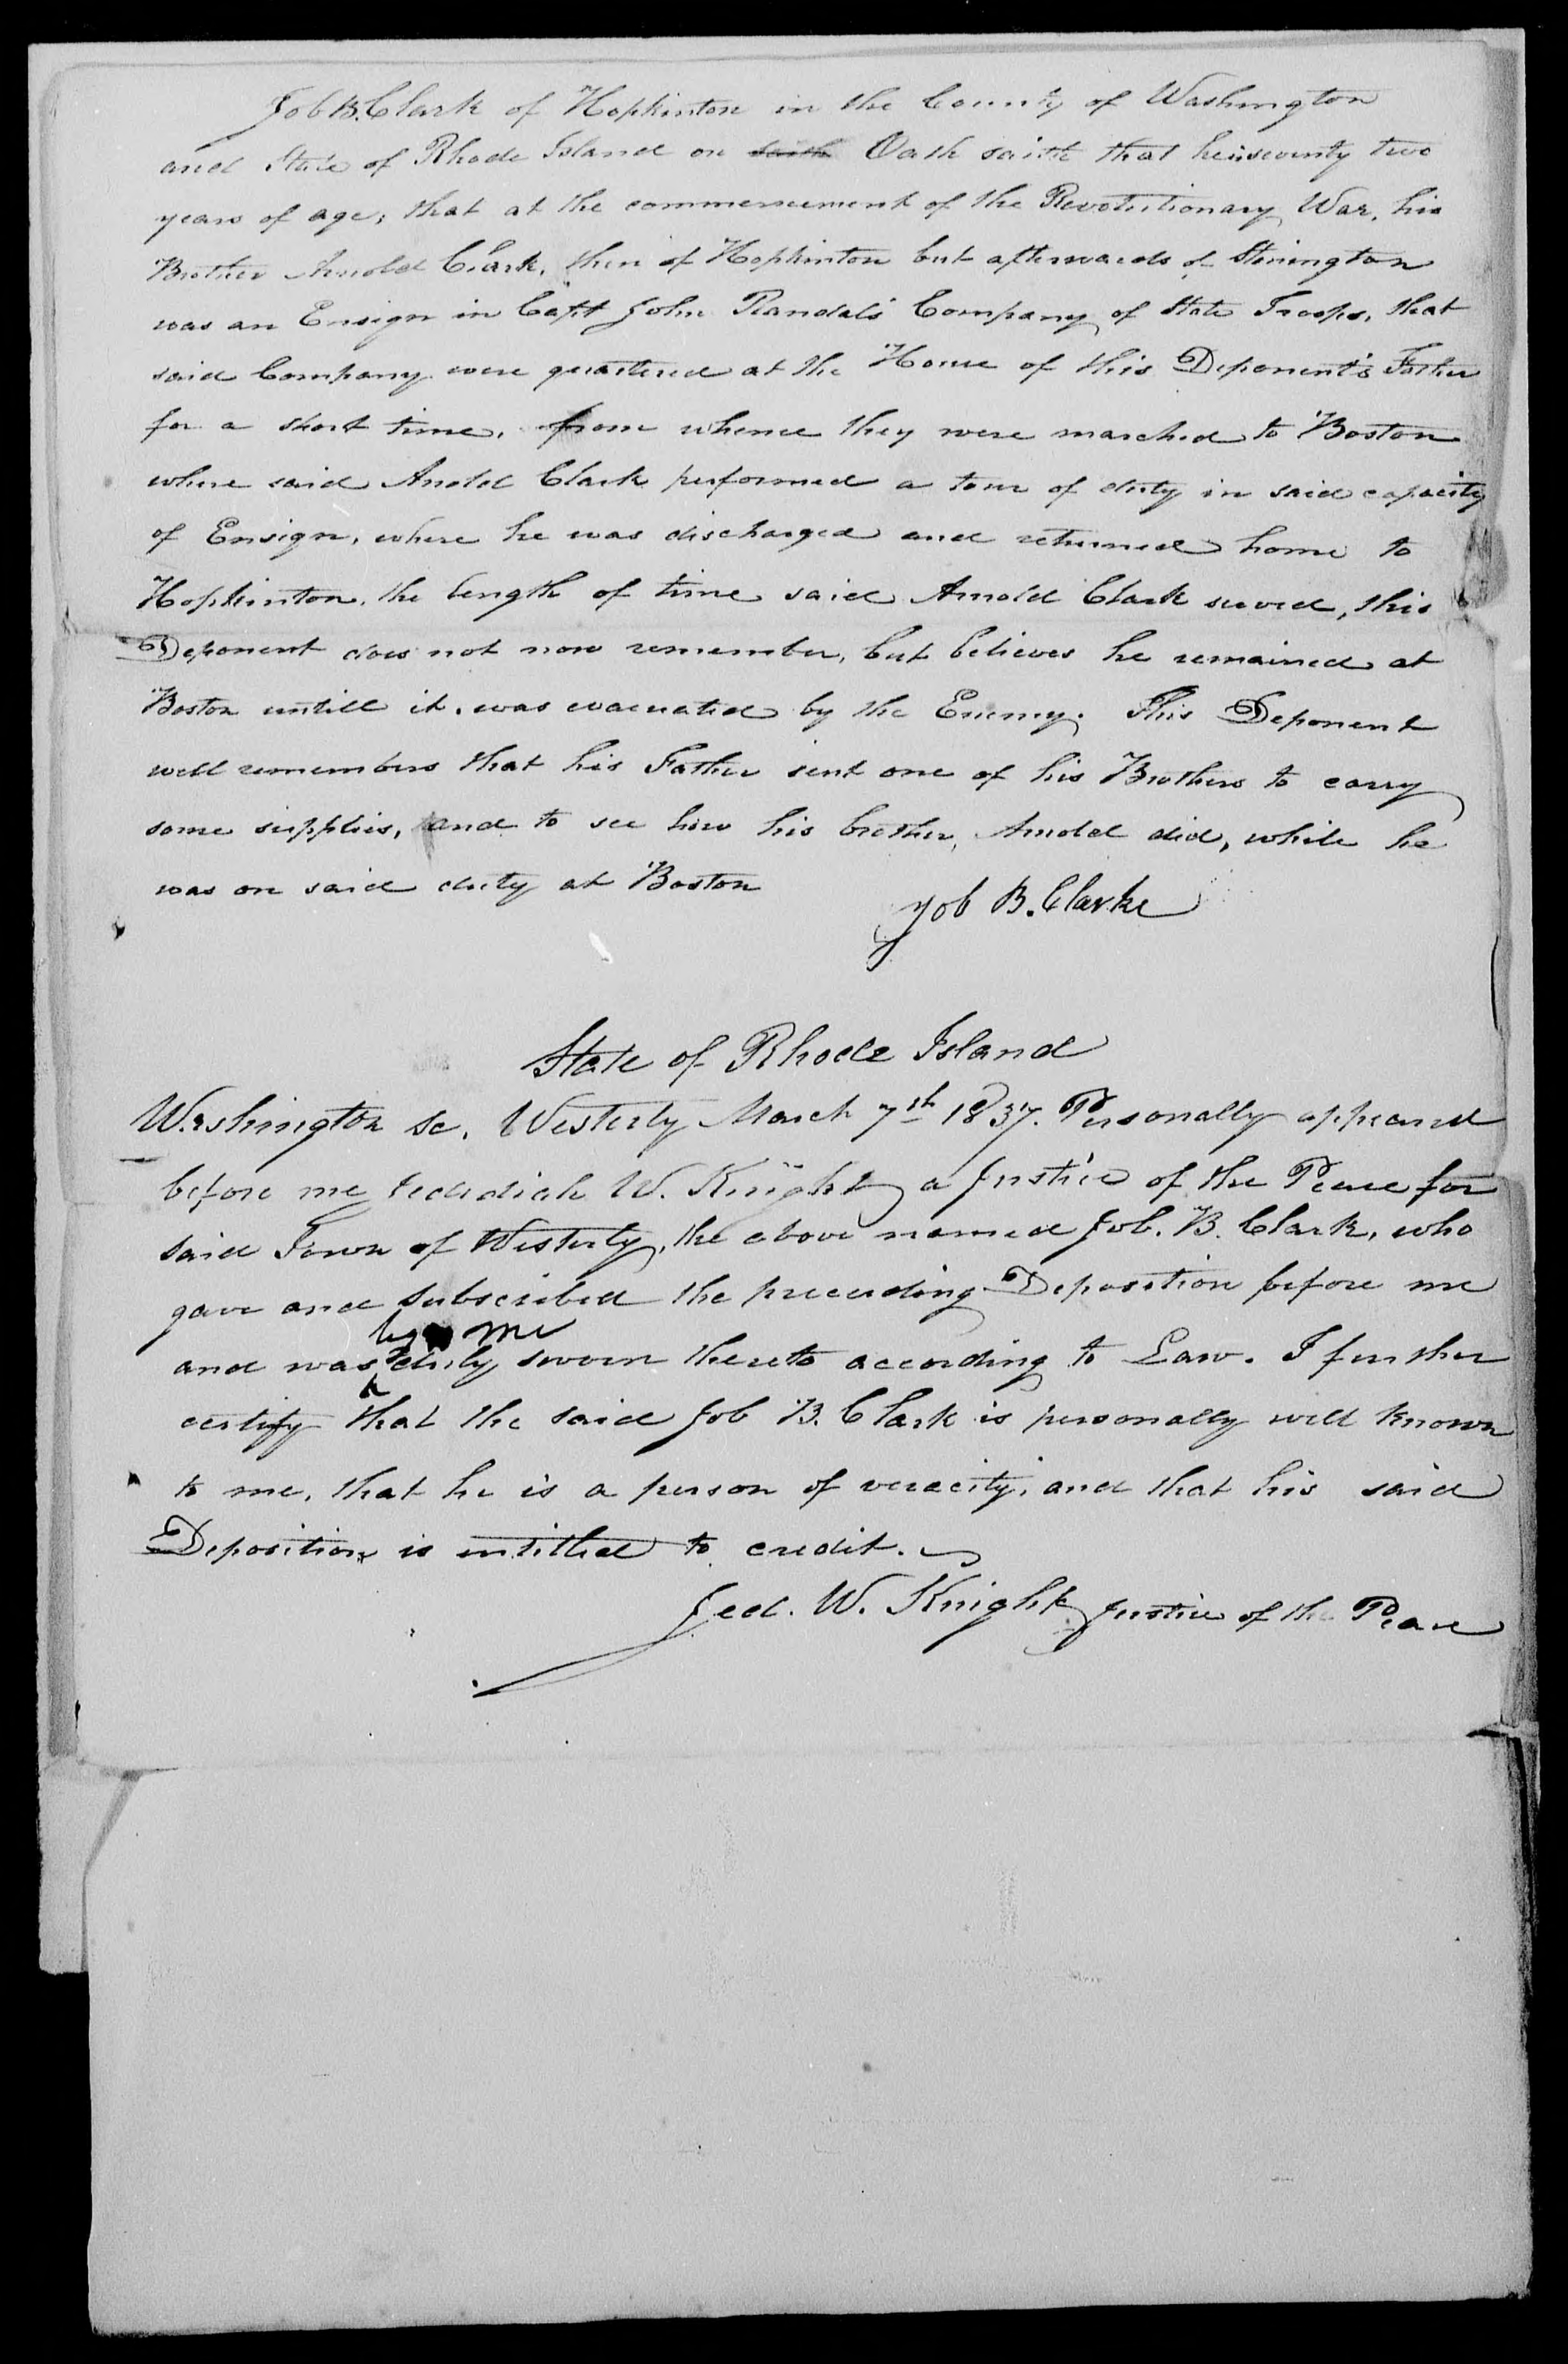Job B. Clark of Hopkinton in the county of Washington and state of Rhode Island on oath saith that he is seventy two years of age, that at the commencement of the Revolutionary War, his brother Arnold Clark, then of Hopkinton but afterwards of Stonington was an ensign in Cpt. John Randal's Company of State Troops. That said company were quartered at the Home of this Deponent's father for a short time, from whence they were marched to Boston where said Arnold Clark performed a tour of duty in said capacity of ensign, where he was discharged and returned home to Hopkinton. The length of time said Arnold Clark served, this deponent does not now remember, but believes he remained at Boston untill it was evacuated by the enemy. This deponent well remembers that his father sent one of his brothers to carry some supplies, and to see how his brother, Arnold did, while he was on said duty at Boston.
Job B. Clarke

State of Rhode Island Washington Sc. Westerly March 7th 1837 personally appeared before me Jedediah W. Knight a Justice of the Peace for said town of Westerly, the above named Job B. Clark, who gave and subscribed the preceeding Deposition before me and was by me duly sworn thereto according to law. I further certify that the said Job B. Clark is personally well known to me, that he is a person of veracity, and that his said deposition is entitled to credit.
Jed. W. Knight, Justice of the Peace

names: Job B Clark, Arnold Clark, Job B Clarke, Joel W Knight, Arnold Clark, Arnold Clark, Job B Clark, Arnold, Jedediah W Knight, Job B Clark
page: 13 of 48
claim: widow's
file: W. 17,628, Arnold Clarke, R.I.